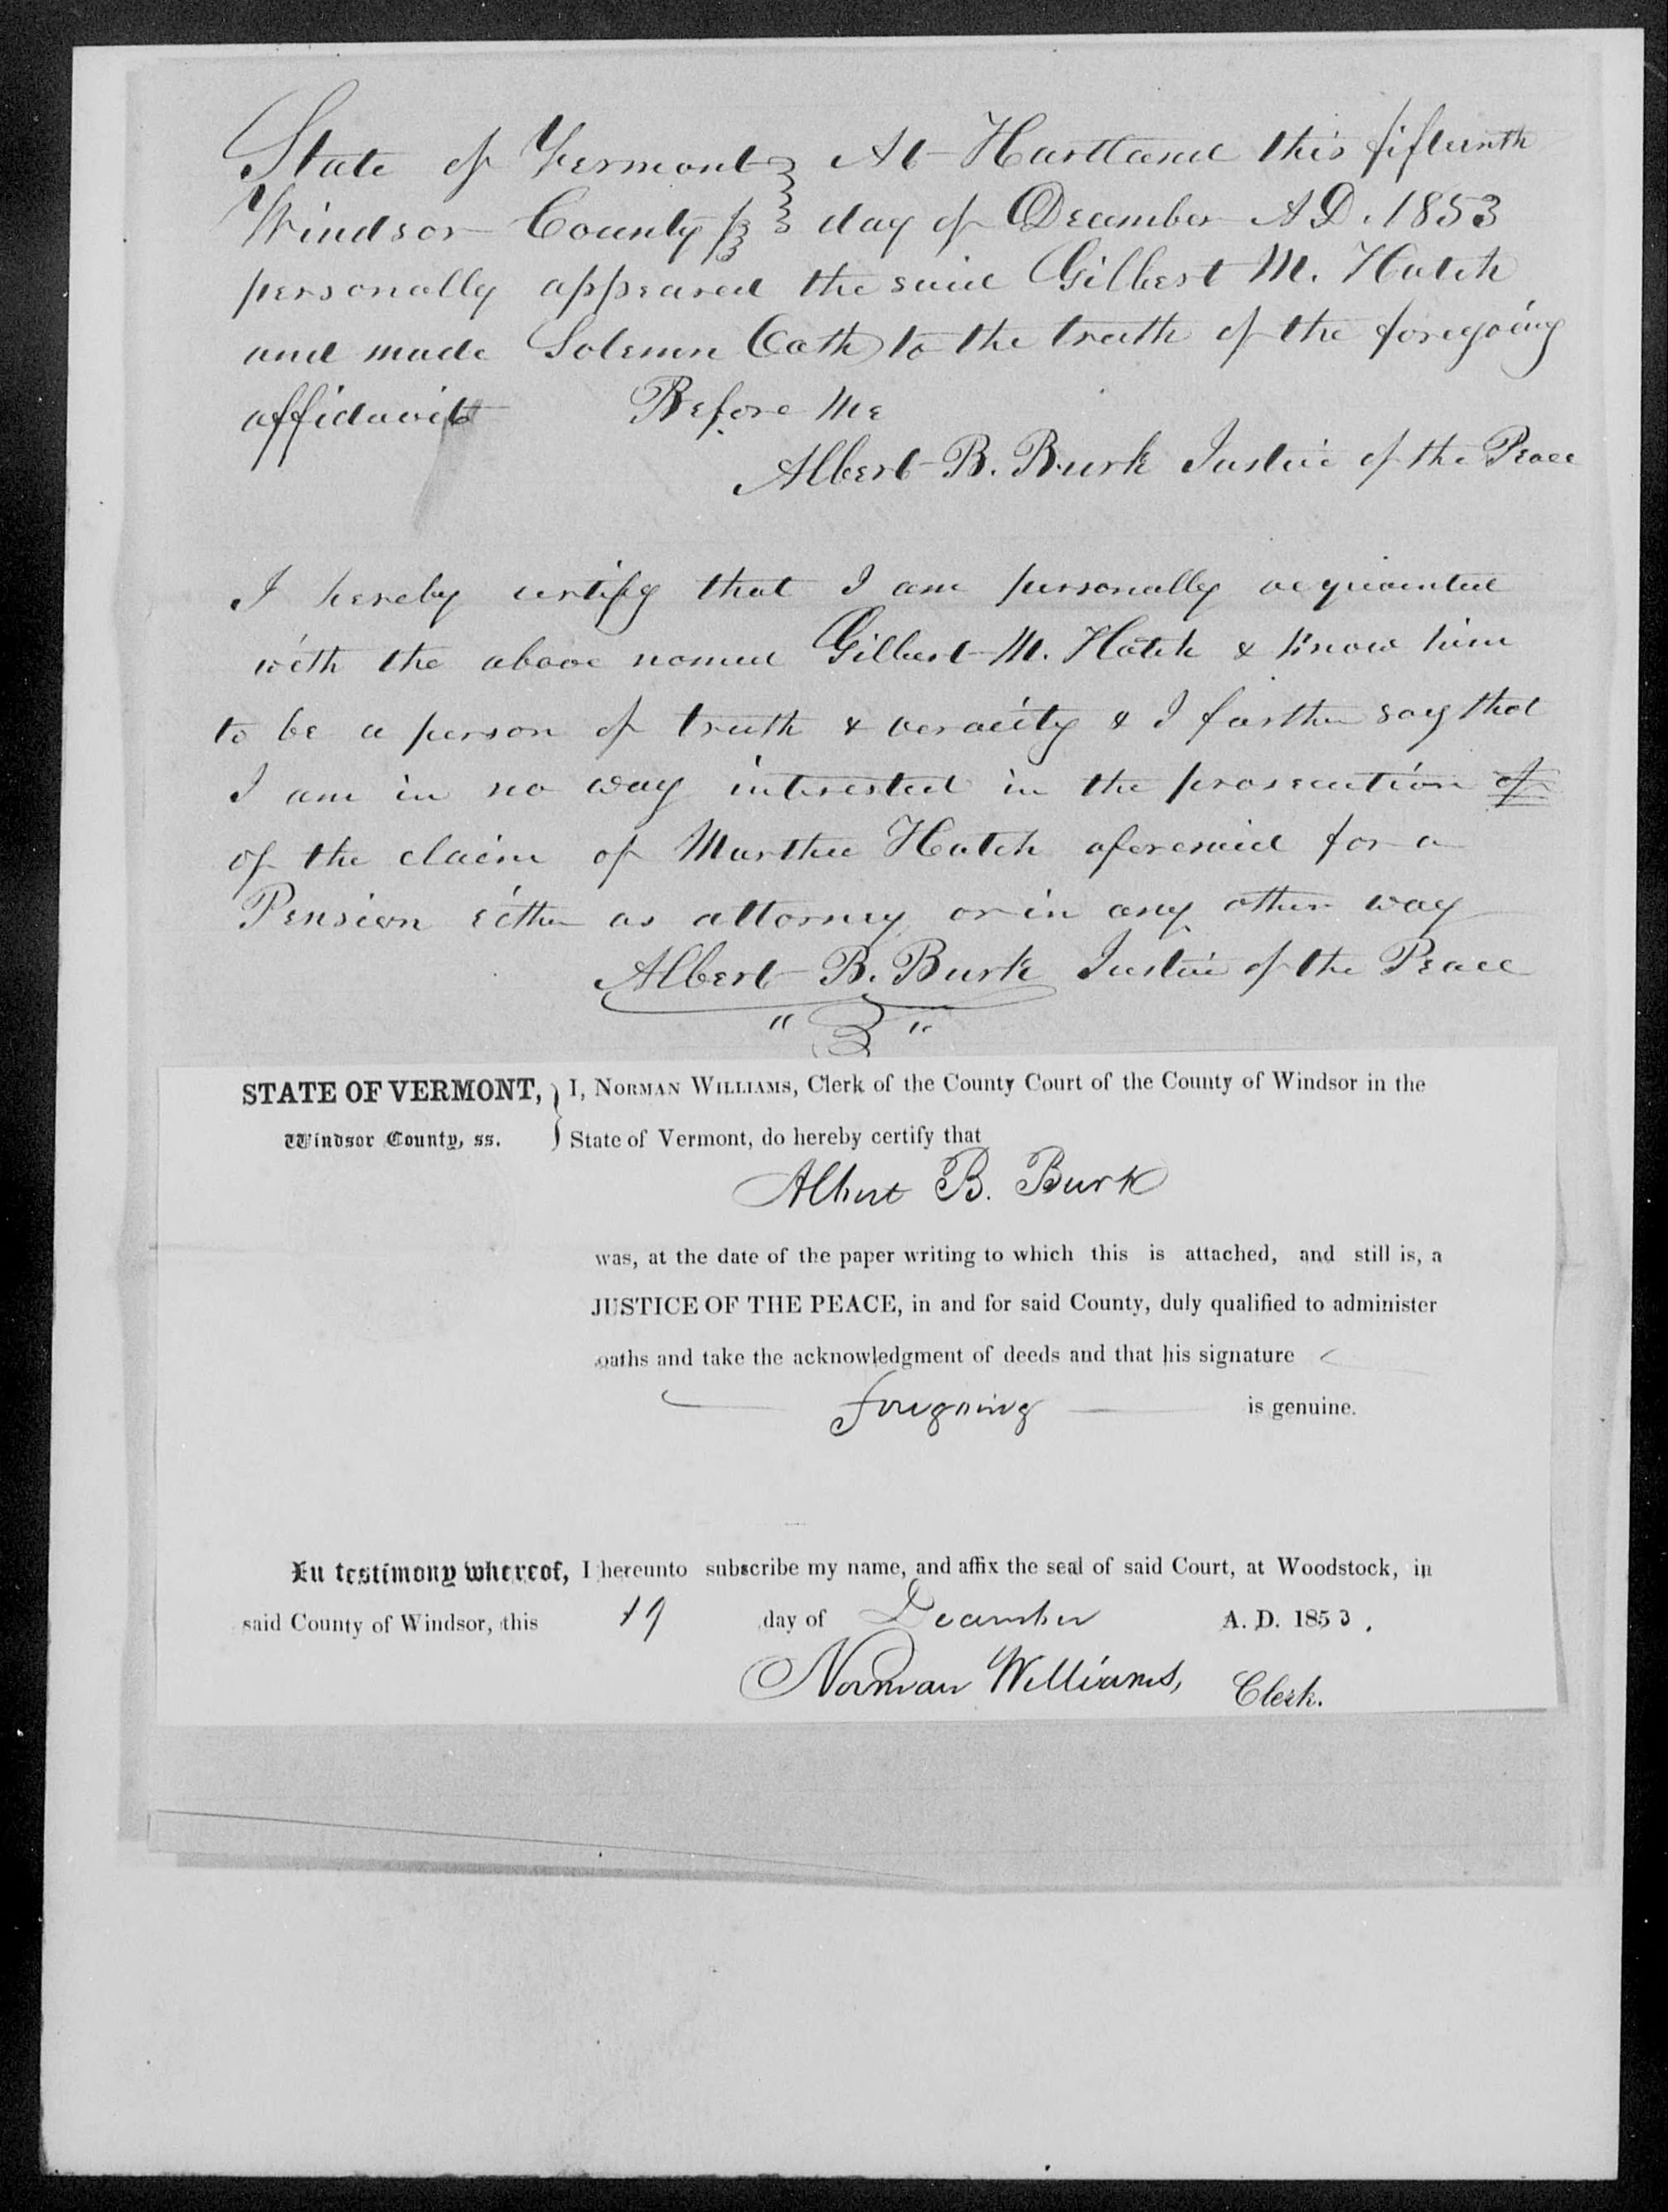[handwritten]
State of Vermont [squiggle down to next line to indicate paired with] Windsor County
At Hartland this fifteenth day of December AD. 1853 personally appeared the said Gilbert M. Hatch and made Solemn Oath to the truth of the foregoing affidavit   Before Me
Albert B. Burk Justice of the Peace

I hereby certify that I am personally acquainted with the above named Gilbert M. Hatch & know him to be a person of truth & veracity & I farther say that I am in no way interested in the prosecution [crossed out] of [end of cross out] of the claim of Martha Hatch aforesaid for a Pension either as attorney or in any other way
Albert B. Burk Justice of the Peace
" [vertical squiggle] " [centered beneath Albert Burk's name and partially covered by the piece of paper affixed beneath it]
[end of handwritten]

STATE OF VERMONT,
Windsor County, ss. }
I, NORMAN WILLIAMS, Clerk of the County Court of the County of Windsor in the State of Vermont, do hereby certify that
[handwritten] Albert B. Burk [end handwritten]
was, at the date of the paper writing to which this is attached, and still is, a JUSTICE OF THE PEACE, in and for said County, duly qualified to administer oaths and take the acknowledgment of deeds and that his signature [handwritten] foregoing [end handwritten] is genuine.

In testimony whereof, I hereunto subscribe my name, and affix the seal of said Court, at Woodstock, in said County of Windsor, this [handwritten] 19 [possibly 17] [end handwritten] day of [handwritten] December [end handwritten] A. D. 1853.
[handwritten] Norman Williams [end handwritten] Clerk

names: Norman Williams, Martha Hatch, Gilbert M Hatch, Albert B Burk, Albert B Burk, Norman Williams, Gilbert M Hatch, Albert B Burk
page: 23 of 47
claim: widow's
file: W. 225, Gilbert Hatch, Conn.